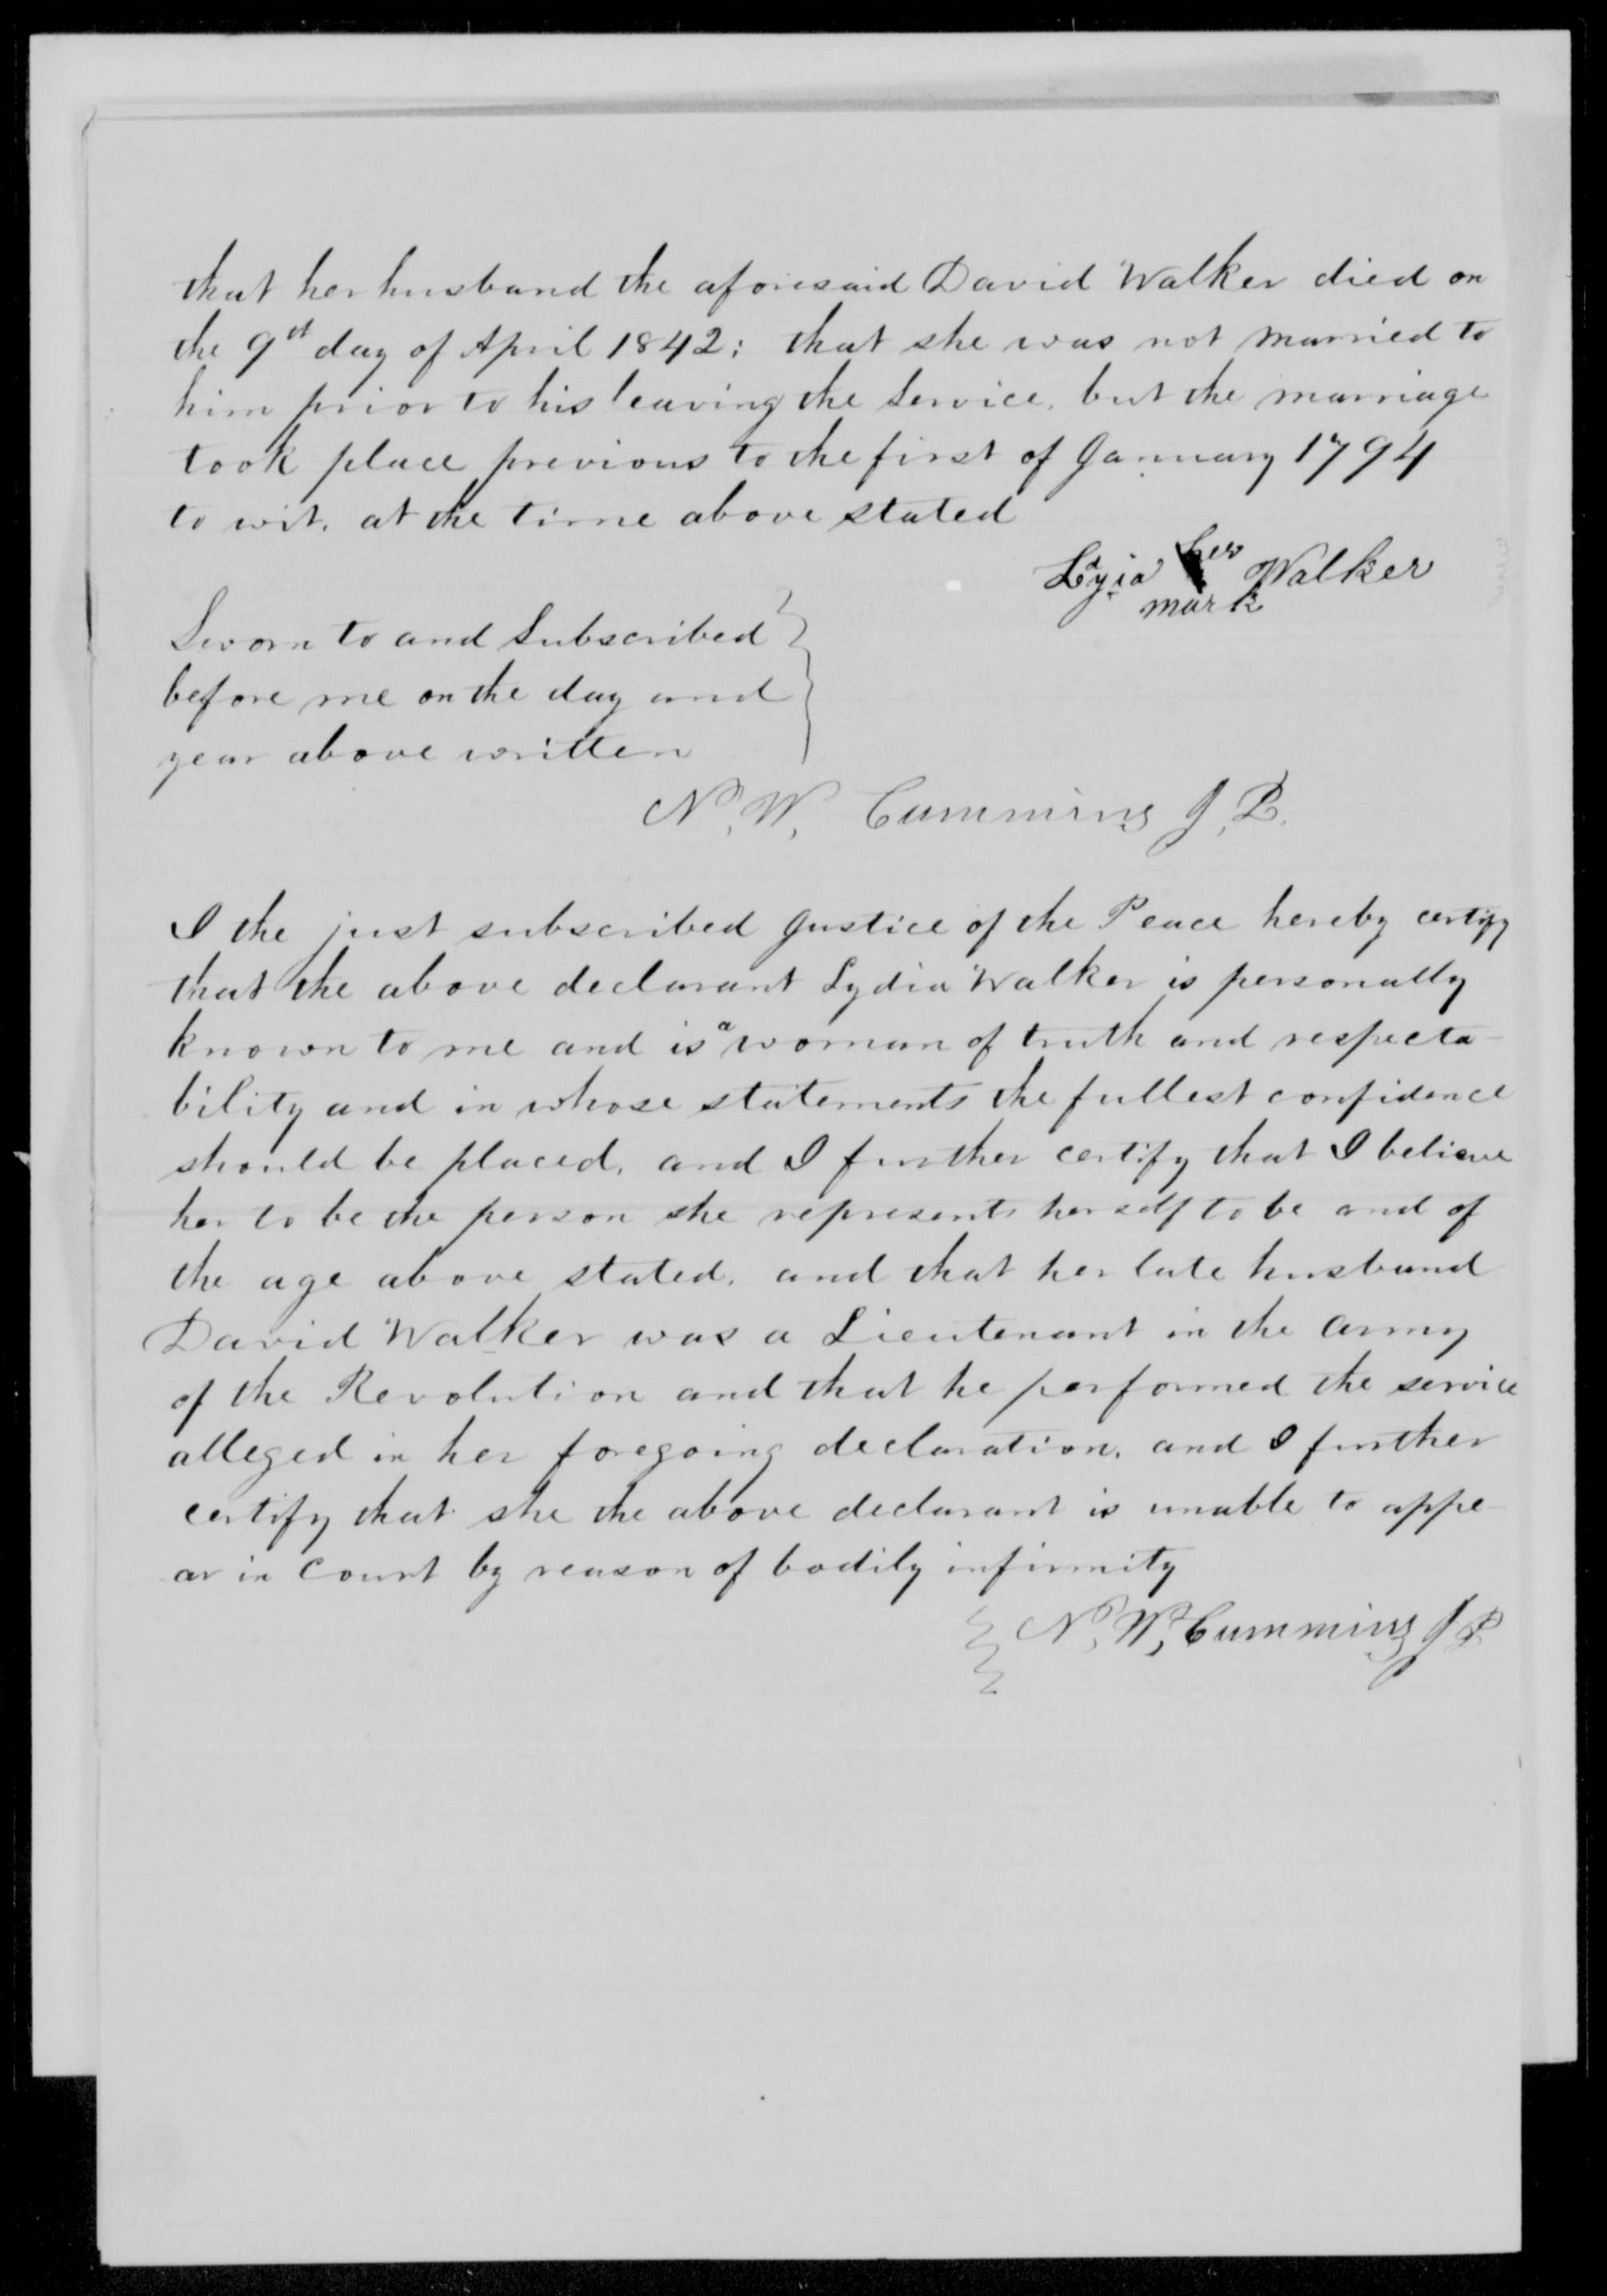that her husband the aforesaid David Walker died on the 9th day of April 1842; that she was not married to him prior to his leaving the service, but the marriage took place previous to the first of January 1794 to wit, at the time above stated.
Lydia Walker
Sworn to and Subscribed before me on the day and year above written
N. W. Cummins, Justice of the Peace
I the just subscribed Justice of the Peace hereby certify that the above declarant Lydia Walker is personally known to me and is woman of truth and respectability and in whose statements the fullest confidence should be placed, and I further certify that I believe her to be the person she represents herself to be and of the age above stated, and that her late husband David Walker was a Lieutenant in the army of the Revolution and that he performed the service alleged in her foregoing declaration, and I further certify that she the above declarant is unable to appear in Court by reason of bodily infirmity.
N. W. Cummins, Justice of the Peace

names: N W Cummins, David Walker, Lydia Walker, Lydia Walker, N W Cummins, David Walker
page: 14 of 37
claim: rejected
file: R. 11047, David Walker, N.C.